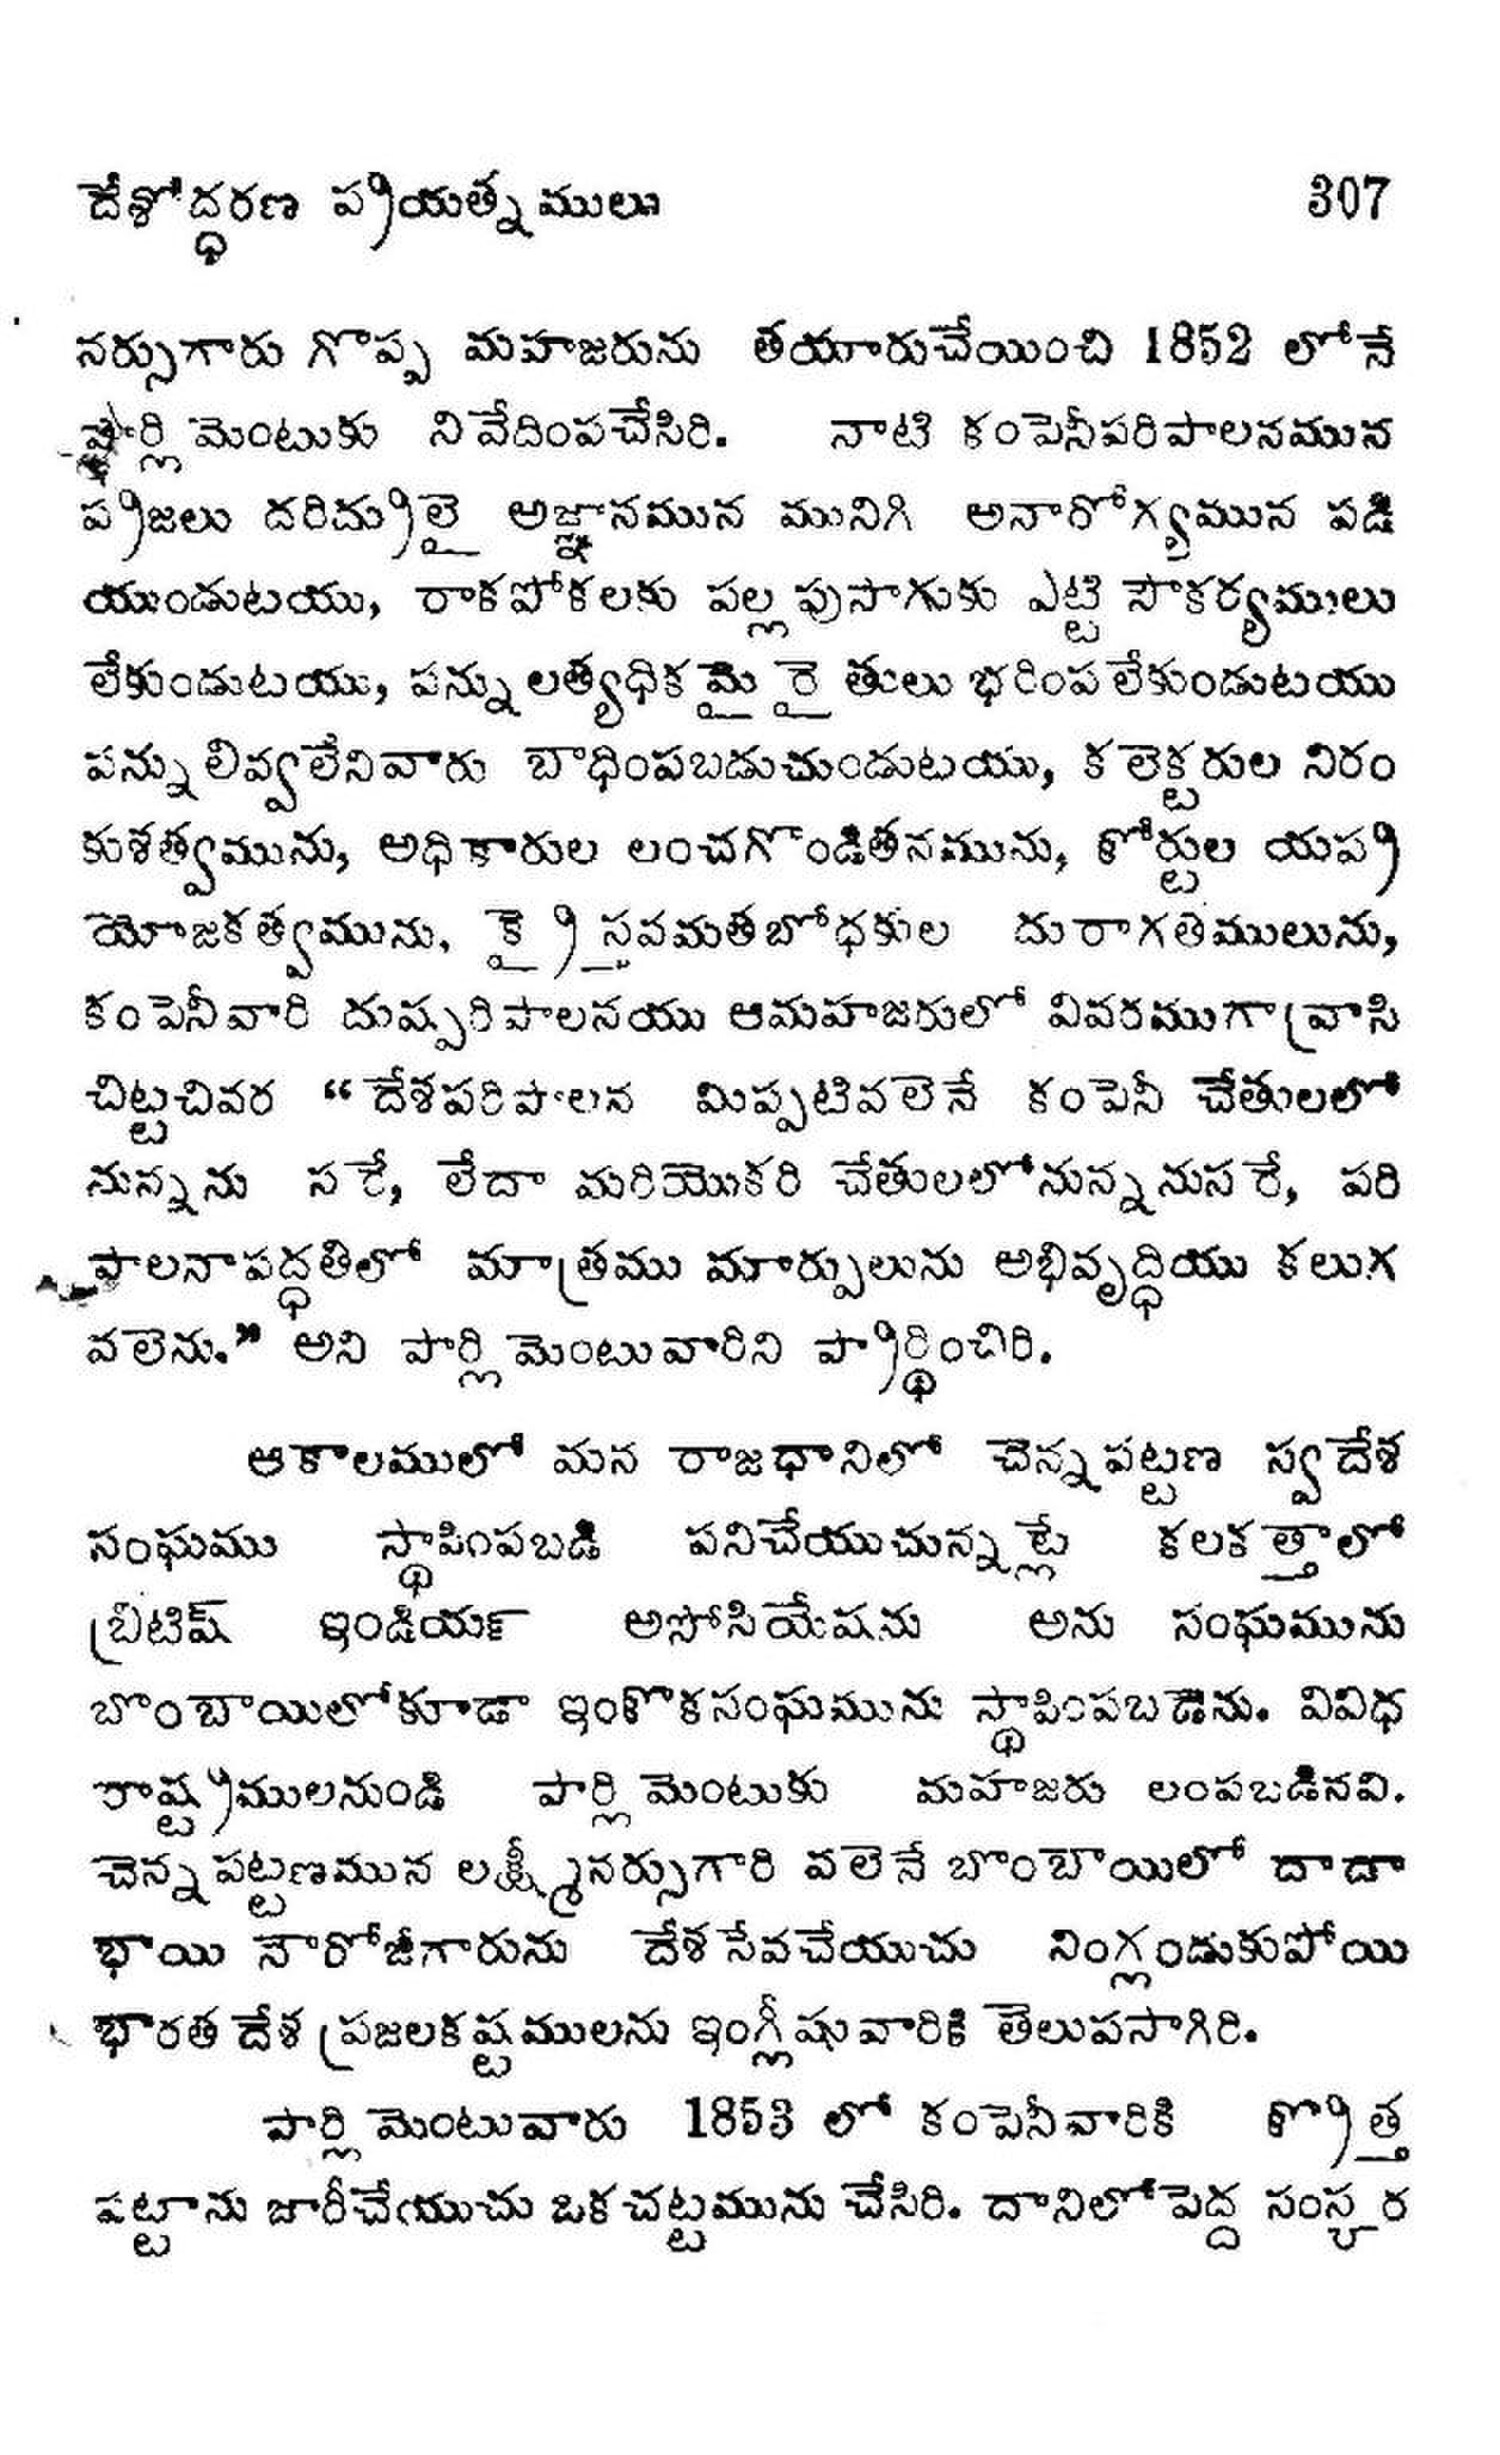నర్సుగారు గొప్ప మహజరును తయారుచేయించి 1852 లోనే షార్లిమెంటుకు నివేదింపచేసిరి. నాటి కంపెనీ పరిపాలనమున ప్రజలు దరిద్రులై అజ్ఞానమున మునిగి అనారోగ్యమున పడి యుండుటయు, రాకపోకలకు పల్లఫుసాగుకు ఎట్టి సౌకర్యములు లేకుండుటయు, పన్నులత్యధికమై రైతులు భరింపలేకుండుటయు పన్నులివ్వలేనివారు బాధింపబడుచుండుటయు, కలెక్టరుల నిరంకుశత్వమును, అధికారుల లంచగొండితనమును, కోర్టుల యప్రయోజకత్వమును, క్రైస్తవమతబోధకుల దురాగతములును, కంపెనీవారి దుష్పరిపాలనయు ఆమహజరులో వివరముగావ్రాసి చిట్టచివర "దేశపరిపాలన మిప్పటివలెనే కంపెనీ చేతులలోనున్నను సరే, లేదా మరియొకరి చేతులలోనున్ననుసరే, పరిపాలనాపద్ధతిలో మాత్రము మార్పులును అభివృద్ధియు కలుగవలెను.” అని పార్లిమెంటువారిని ప్రార్థించిరి.

ఆకాలములో మన రాజధానిలో చెన్నపట్టణ స్వదేశసంఘము స్థాపింపబడి పనిచేయుచున్నట్లే కలకత్తాలో బ్రిటిష్ ఇండియ౯ అసోసియేషను అను సంఘమును బొంబాయిలోకూడా ఇంకొకసంఘమును స్థాపింపబడెను. వివిధ రాష్ట్రములనుండి పార్లిమెంటుకు మహజరు లంపబడినవి. చెన్నపటణమున లక్ష్మీనర్సుగారి వలెనే బొంబాయిలో దాదాభాయి నౌరోజీగారును దేశసేవచేయుచు నింగ్లండుకుపోయి భారతదేశ ప్రజలకష్టములను ఇంగ్లీషువారికి తెలుపసాగిరి.

పార్లిమెంటువారు 1853 లో కంపెనీవారికి క్రొత్తపట్టాను జారీచేయుచు ఒక చట్టమును చేసిరి. దానిలో పెద్ద సంస్కర